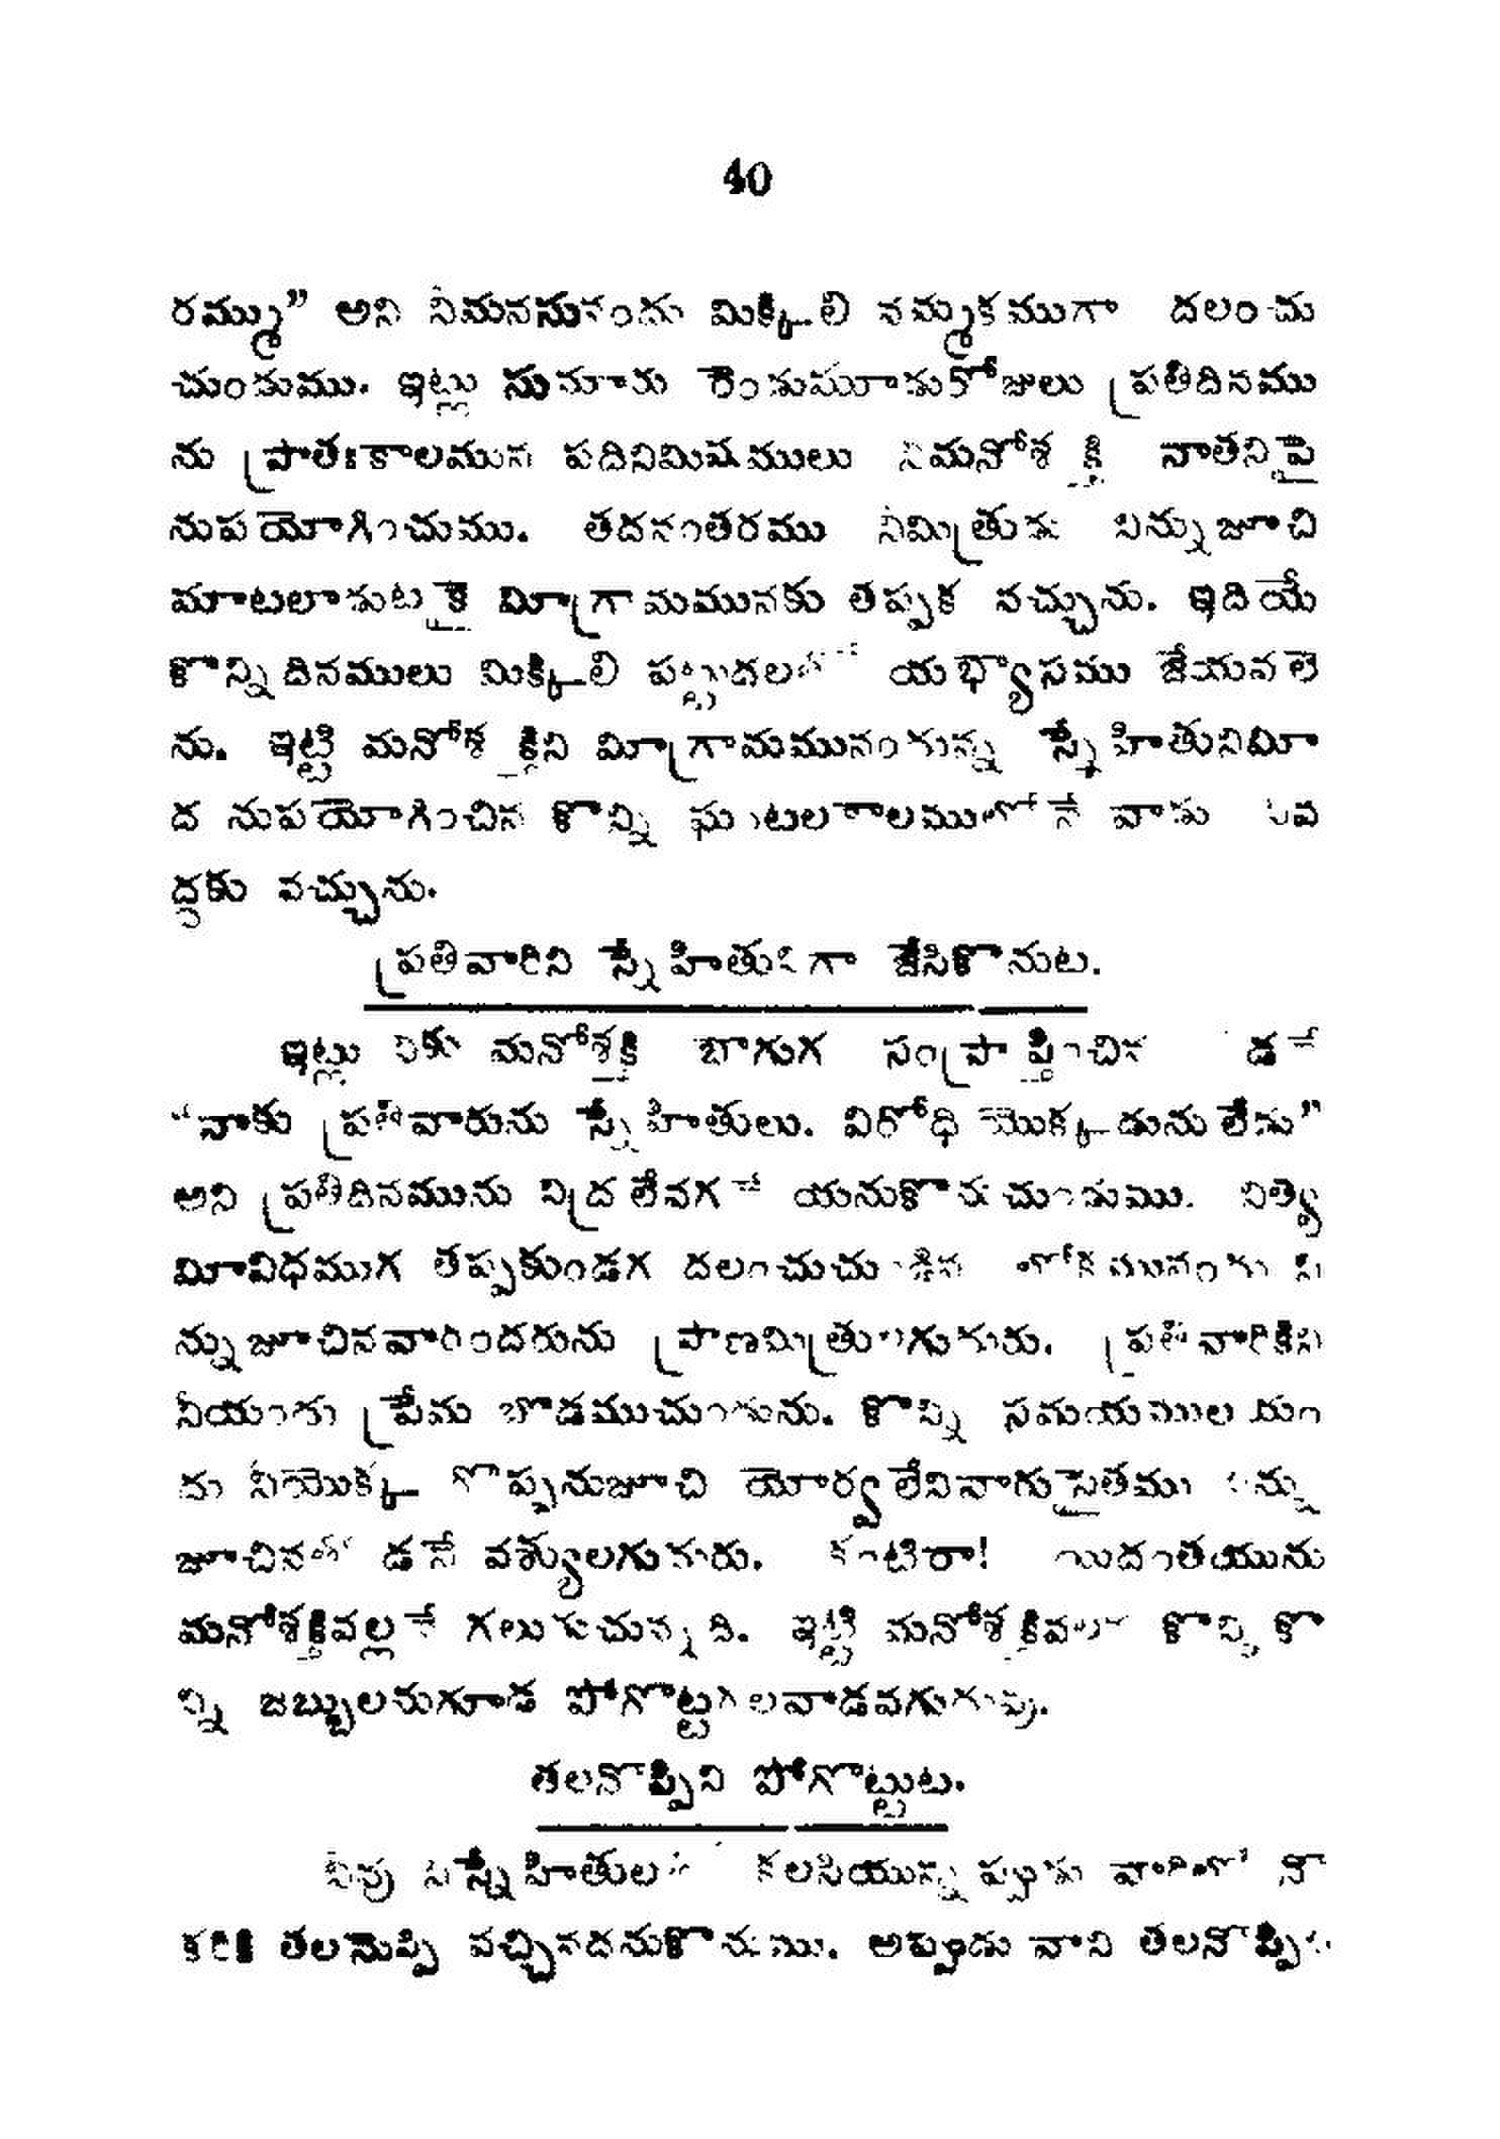రమ్ము" అని నీమనసునందు మిక్కిలి నమ్మకముగా దలంచు చుండుము. ఇట్లు సుమారు రెండుమూడురోజులు ప్రతిదినమును ప్రాతఃకాలమున పదినిమిషములు నీమనోశక్తి నాతనిపై
నుపయోగించుము. తదనంతరము నీమిత్రుడు నిన్నుజూచి మాటలాడుటకై మీగ్రామమునకు తప్పక వచ్చును. ఇదియే కొన్నిదినములు మిక్కిలి పట్టుదలతో యభ్యాసము జేయవలెను. ఇట్టి మనోశక్తిని మీగ్రామమునందున్న స్నేహితునిమీద నుపయోగించిన కొన్ని ఘంటలకాలములోనే వాడు నీవద్దకు వచ్చును.

ఇట్లు నీకు మనోశక్తి బాగుగ సంప్రాప్తించిన తోడనే “నాకు ప్రతివారును స్నేహితులు. విరోధి యొక్కడును లేడు" అని ప్రతిదినమును నిద్రలేవగనే యనుకొనుచుండుము. నిత్య మీవిధముగ తప్పకుండగ దలంచుచుండిన లోకమునందు నిన్నుజూచినవారందరును ప్రాణమిత్రులగుదురు. ప్రతివారికిని
నీయందు ప్రేమ బొడముచుండును. కొన్ని సమయములయందు నీయొక్క గొప్పనుజూచి యోర్వలేనివారుసైతము నిన్ను జూచినతోడనే వశ్యులగుదురు. కంటిరా! యిదంతయును మనోశక్తివల్లనే గలుగుచున్నది. ఇట్టి మనోశక్తివలన కొన్నికొన్ని జబ్బులనుగూడ పోగొట్టగలవాడ వగుదువు.

నీవు నీస్నేహితులతో కలసియున్నప్పుడు వారిలో నొకరికి తలనొప్పి వచ్చినదనుకొనుము. అప్పుడు వాని తలనొప్పిని